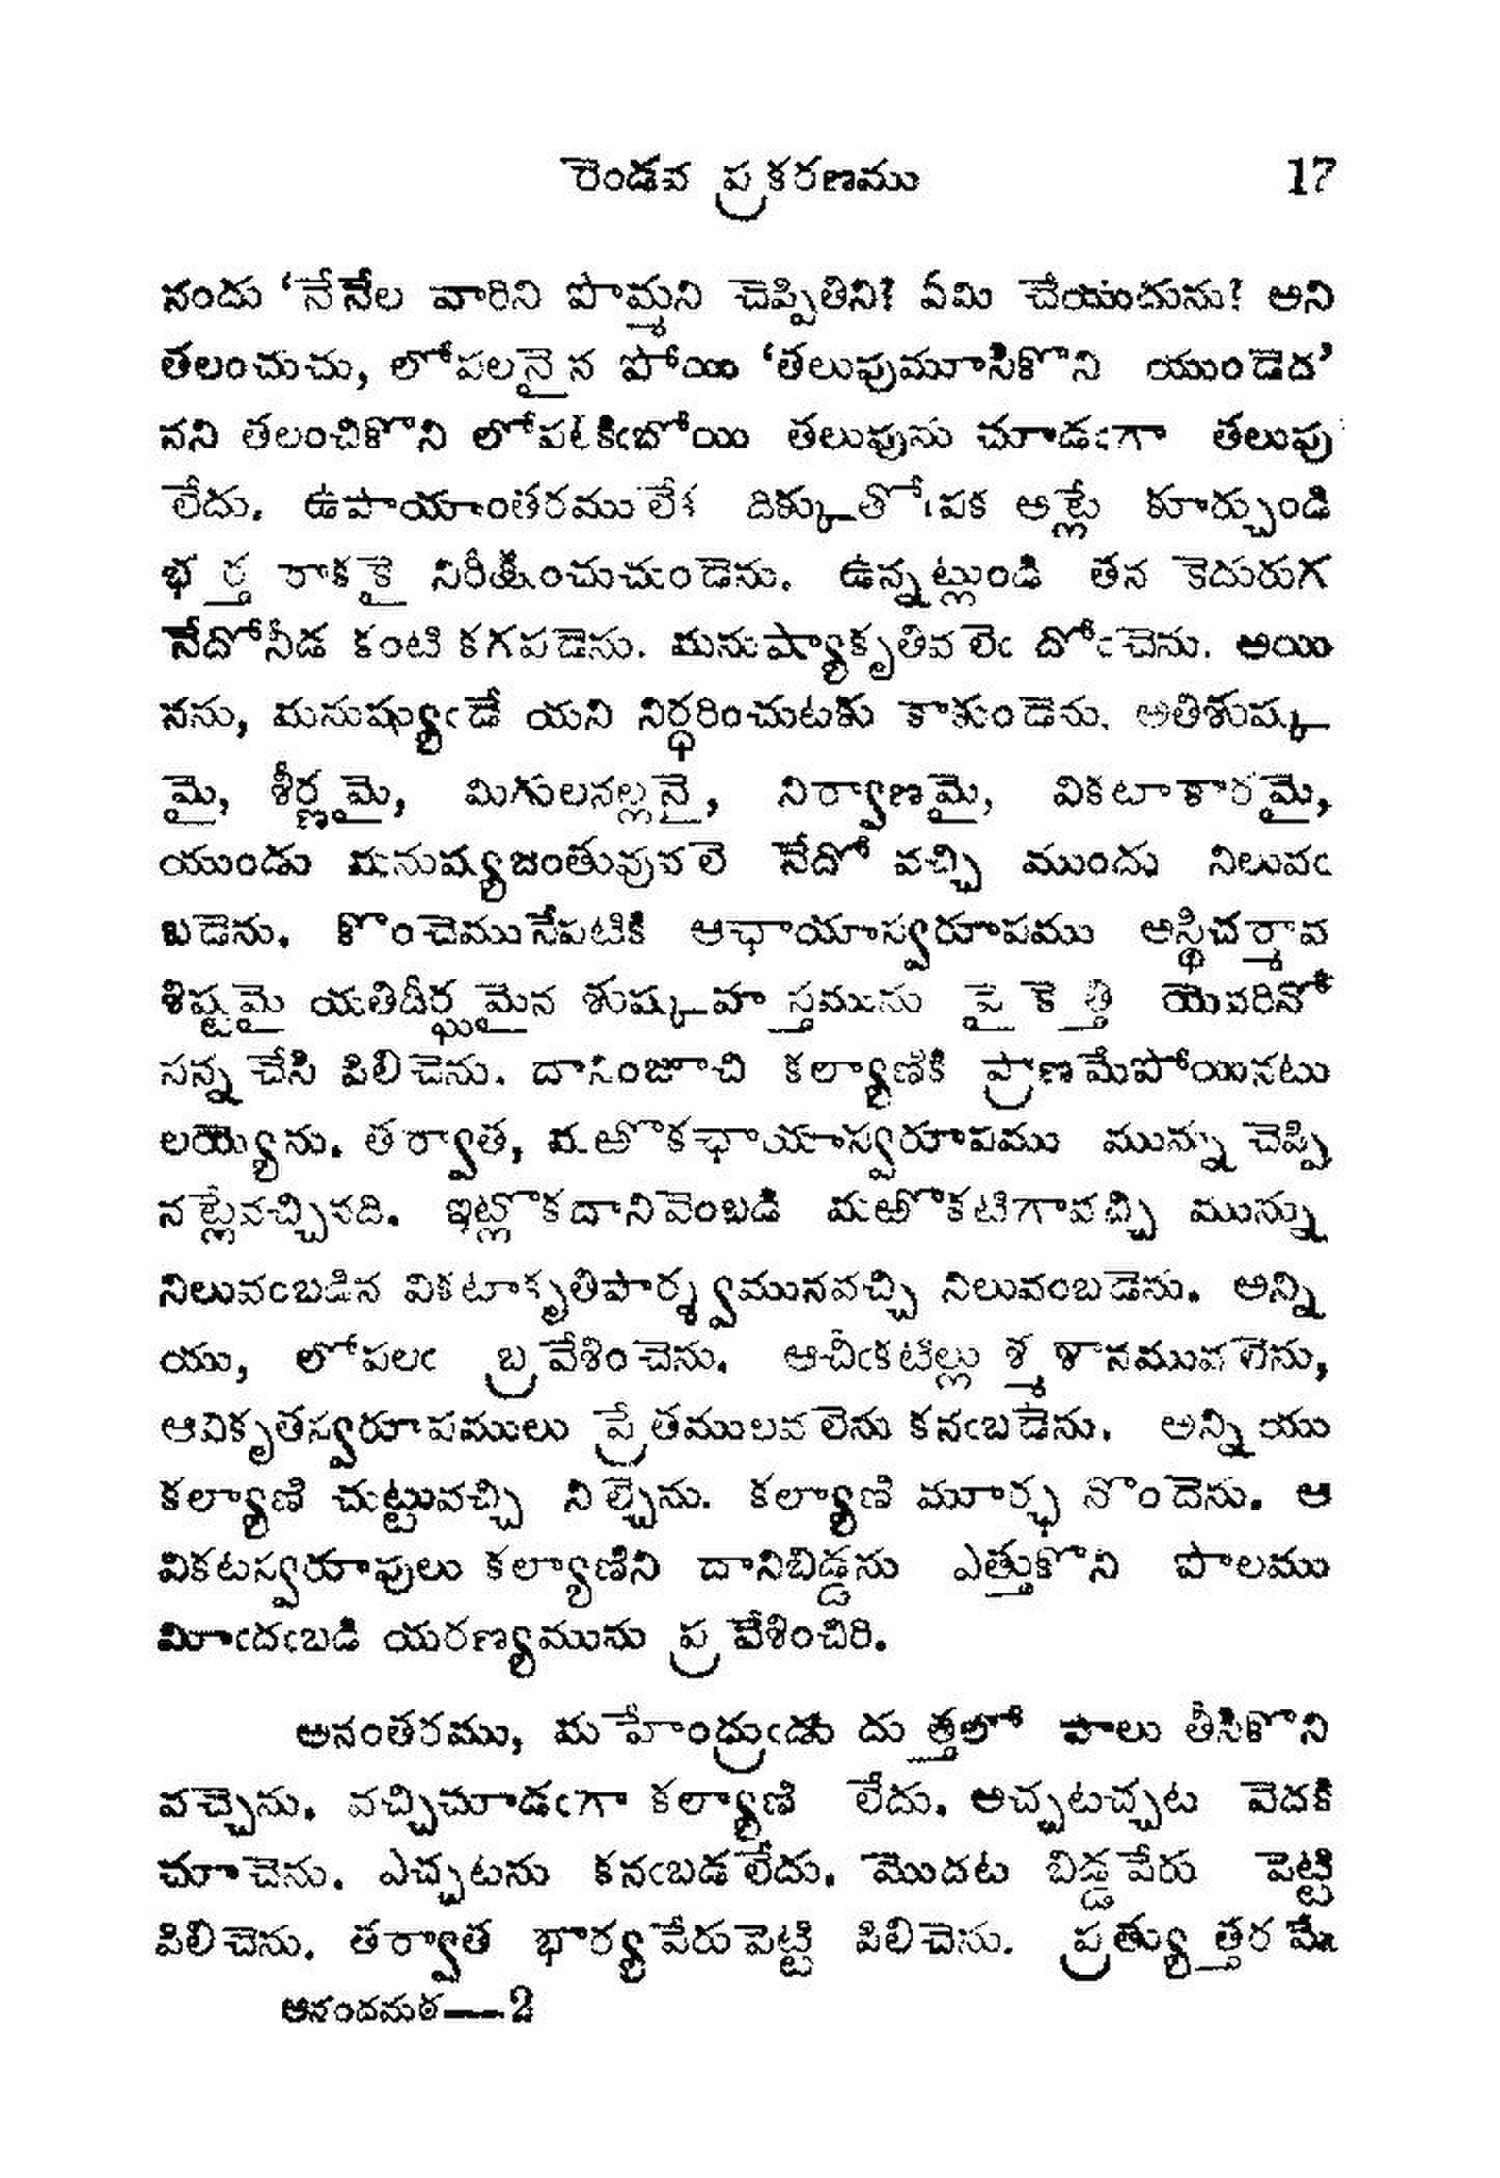నందు 'నేనేల వారిని పొమ్మని చెప్పితిని? ఏమి చేయుదును? అని తలంచుచు, లోపలనైన పోయి 'తలుపు మూసికొని యుండెద'
నని తలంచికొని లోపలికిఁబోయి తలుపును చూడగా తలుపు లేదు. ఉపాయాంతరము లేక దిక్కుతో చక అట్లే కూర్చుండి భర్త రాకకై నిరీక్షించుచుండెను. ఉన్నట్లుండి తన కెదురుగ నేదోనీడ కంటి కగపడెను. మనుష్యాకృతివలెఁ దోఁచెను. అయినను, మనుష్యుఁడే యని నిర్ధరించుటకు కాకుండెను, అతిశుష్కమై, శీర్ణమై, మిగులనల్లనై, నిర్వాణమై, వికటాకారమై, యుండు మనుష్య జంతువువలె నేదో వచ్చి ముందు నిలువఁబడెను. కొంచెము సేపటికి ఆఛాయాస్వరూపము ఆస్థిచర్మావ శిష్టమై యతిదీర్ఘమైన శుష్క హస్తమును పైకెత్తి యెవరినో
సన్న చేసి పిలిచెను. దానింజూచి కల్యాణికి ప్రాణమేపోయినటు లయ్యెను. తర్వాత, మఱోకఛాయాస్వరూపము మున్ను చెప్పినట్లే వచ్చినది, ఇట్లోక దాని వెంబడి మఱోకటిగావచ్చి మున్ను నిలువంబడిన వికటాకృతిపార్శ్వమున వచ్చి నిలువంబడెను. అన్నియు, లోపలఁ బ్రవేశించెను, ఆచీఁక టిల్లు శ్మశానమువలెను, ఆవికృతస్వరూపములు ప్రేతములవలెను కనఁబడెను. అన్నియు కల్యాణి చుట్టువచ్చి నిల్చేను. కల్యాణి మూర్ఛ నొందెను. ఆ వికటస్వరూపులు కల్యాణినీ దానిబిడ్డను ఎత్తుకొని పొలము మీఁదఁబడి యరణ్యమును ప్రవేశించిరి.

అనంతరము, మహేంద్రుఁడు దుత్తలో పాలు తీసికొని వచ్చెను. వచ్చి చూడఁగా కల్యాణి లేదు. అచ్చటచ్చట వెదకి చూచెను. ఎచ్చటను కనఁబడ లేదు. మొదట బిడ్డ పేరు పెట్టి పిలిచెను. తర్వాత భార్య పేరు పెట్టి పిలిచేసు. ప్రత్యుత్తరమే